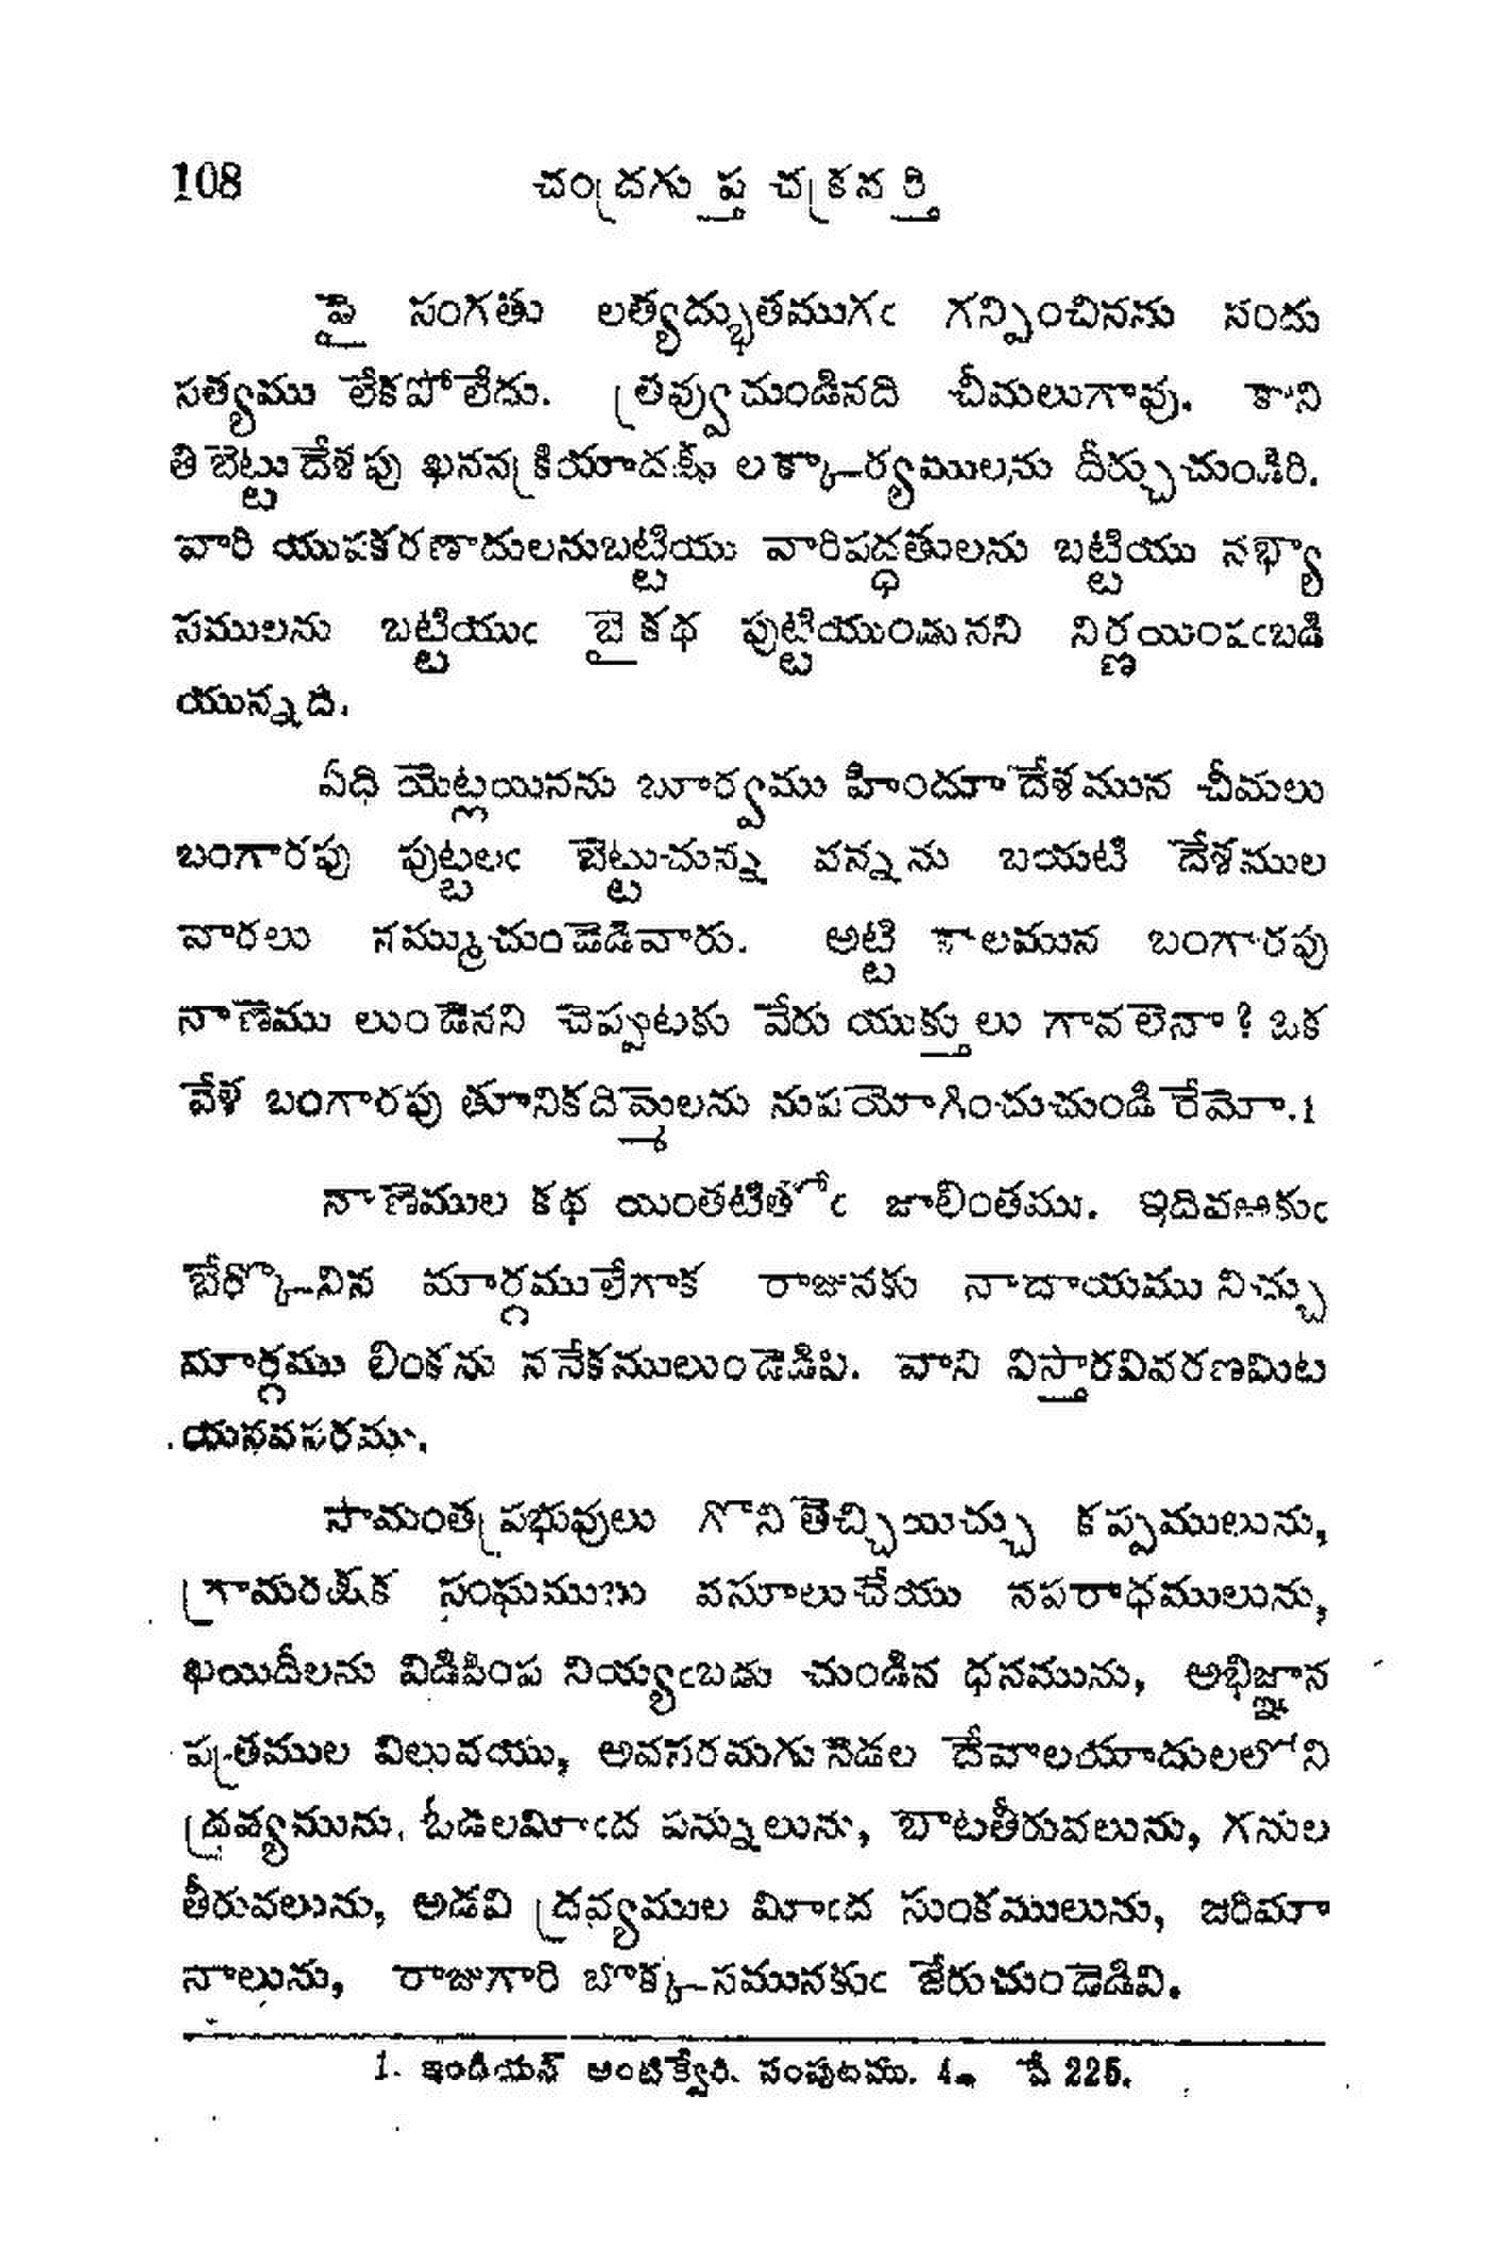పై సంగతు లత్యద్భుతముగఁ గన్పించినను నందు సత్యము లేకపోలేదు. త్రవ్వుచుండినది చీమలుగావు. కాని తిబెట్టుదేశపు ఖననక్రియాదక్షు లక్కార్యములను దీర్చుచుండిరి. వారి యుపకరణాదులనుబట్టియు వారి పద్ధతులను బట్టియు నభ్యాసములను బట్టియుఁ బై కథ పుట్టియుండునని నిర్ణయింపఁబడి యున్నది.

ఏది యెట్లయినను బూర్వము హిందూదేశమున చీమలు బంగారపు పుట్టలఁ బెట్టుచున్న వన్నను బయటి దేశముల వారలు నమ్ముచుండెడివారు. అట్టి కాలమున బంగారపు నాణెము లుండెనని చెప్పుటకు వేరు యుక్తులు గావలెనా ? ఒక వేళ బంగారపు తూనికదిమ్మెలను నుపయోగించుచుండి రేమో.1

నాణెముల కథ యింతటితోఁ జాలింతము. ఇదివఱకుఁ బేర్కొనిన మార్గములేగాక రాజునకు నాదాయము నిచ్చు మార్గము లింకను ననేకములుండెడివి. వాని విస్తారవివరణమిట .యనవసరము,

సామంత ప్రభువులు గొని తెచ్చియిచ్చు కప్పములును, గ్రామరక్షక సంఘములు వసూలుచేయు నపరాధములును, ఖయిదీలను విడిపింప నియ్యంబడు చుండిన ధనమును, అభిజ్ఞాన పత్రముల విలువయు, అవసరమగు నెడల దేవాలయాదులలోని ద్రవ్యమును, ఓడలమీఁద పన్నులును, బాటతీరువలును, గనుల తీరువలును, అడవి ద్రవ్యముల మీఁద సుంకములును, జరిమానాలును, రాజుగారి బొక్కసమునకుఁ జేరుచుండెడివి.